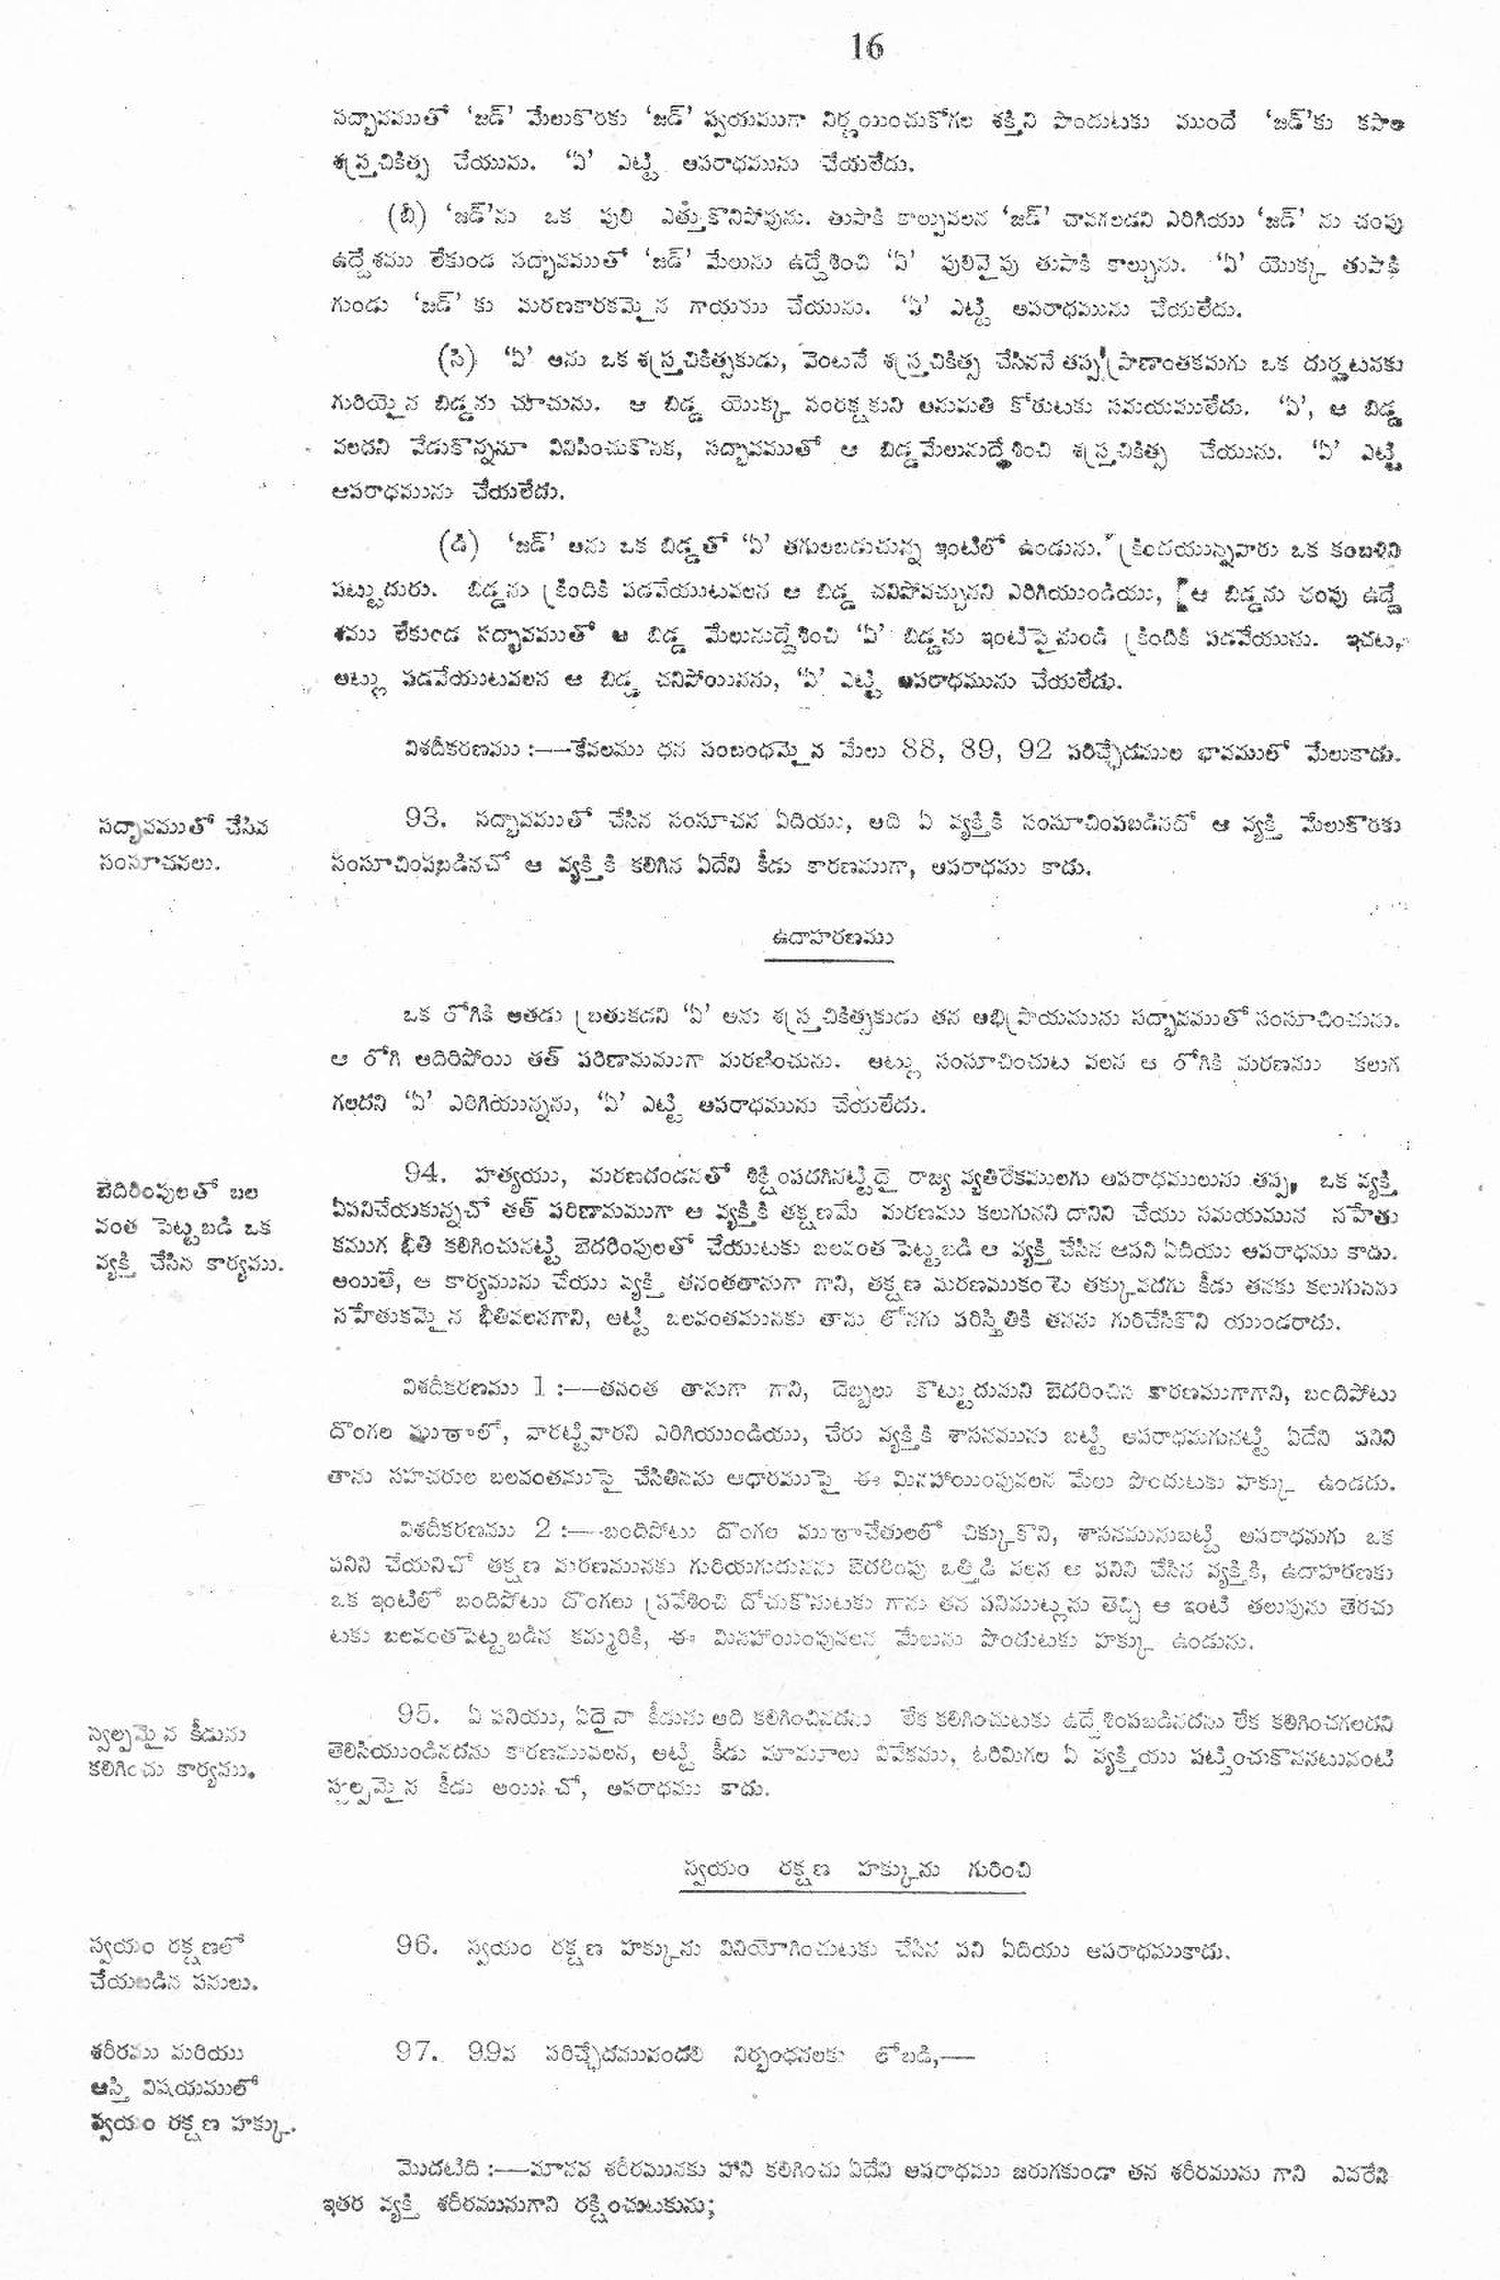సద్భావముతో 'జడ్' మేలుకొరకు 'జడ్' స్వయముగా నిర్ణయించుకోగల శక్తిని పొందుటకు ముందే 'జడ్'కు కపాల
శస్త్ర చికిత్స చేయును. 'ఏ' ఎట్టి ఆపరాధమును చేయలేదు.

(బి) 'జడ్'ను ఒక పులి ఎత్తుకొనిపోవును. తుపాకి కాల్పువలన 'జడ్' చావగలడని ఎరిగియు 'జడ్' ను చంపు
ఉద్దేశము లేకుండ సద్భావముతో 'జడ్' మేలును ఉద్దేశించి 'ఏ' పులివైపు తుపాకి కాల్చును. 'ఏ' యొక్క తుపాకి
గుండు 'జడ్' కు మరణకారకమైన గాయము చేయును. 'ఏ' ఎట్టి అపరాధమును చేయలేదు.

(సి) 'ఏ' అను ఒక శస్త్ర చికిత్సకుడు, వెంటనే శస్త్ర చికిత్స చేసిననే తప్ప ప్రాణాంతకమగు ఒక దుర్ఘటనకు
గురియైన బిడ్డను చూచును. ఆ బిడ్డ యొక్క సంరక్షకుని అనుమతి కోరుటకు సమయములేదు. 'ఏ', ఆ బిడ్డ
వలదని వేడుకొన్ననూ వినిపించుకొనక, సద్భావముతో ఆ బిడ్డ మేలునుద్దేశించి శస్త్రచికిత్స చేయును. 'ఏ ' ఎట్టి
అపరాధమును చేయలేదు.

(డి) 'జడ్' లను ఒక బిడ్డతో 'ఏ ' తగులబడుచున్న ఇంటిలో ఉండును." క్రిందయున్నవారు ఒక కంబలిని
పట్టుదురు. బిడ్డను క్రిందికి పడవేయుటవలన ఆ బిడ్డ చవిపోవచ్చునని ఎరిగియుండియు, ఆ బిడ్డను చంపు ఉద్దే
ము లేకుఁడ సద్భావముతో ఆ బిడ్డ మేలునుద్దేశించి 'ఏ ' బిడ్డను ఇంటి పై నుండి క్రిందికి పడవేయును. ఇచట,
అట్లు పడవేయుటవలన ఆ బిడ్డ చనిపోయినను, 'ఏ' ఎట్టి అపరాధమును చేయలేదు.

విశదీకరణము :--- కేవలము ధన సంబంధమైన మేలు 88, 89, 92 పరిచ్చేదముల భావములో మేలుకాదు.

సద్భావముతో చేసిన సంసూచనలు.

93. సద్భావముతో చేసిన సంసూచన ఏదియు, అది ఏ వ్యక్తికి సంసూచింపబడినదో ఆ వ్యక్తి మేలుకొరకు
సంసూచింపబడినచో ఆ వ్యక్తికి కలిగిన ఏదేని కీడు కారణముగా, అపరాధము కాదు.

ఒక రోగికి అతడు బ్రతుకdaని 'ఏ' అను శస్త్ర చికిత్సకుడు తన అభిప్రాయమును సద్భావముతో సంసూచించును.
ఆ రోగి అదిరిపోయి తత్ పరిణామముగా మరణించును. ఆట్లు సంసూచించుట వలన ఆ రోగికి మరణము కలుగ గలదని 'ఏ' ఎరిగియున్నను, 'ఏ' ఎట్టి ఆపరాధమును చేయలేదు.

బెదిరింపులతో బలవంత పెట్టబడి ఒక వ్యక్తి చేసిన కార్యము.

94, హత్యయు, మరణదండనతో శిక్షింపదగినట్టిదై రాజ్య వ్యతిరేకములగు అపరాధములును తప్ప, ఒక వ్యక్తి
ఏపనిచేయకున్నచో తత్ పరిణామముగా ఆ వ్యక్తికి తక్షణమే మరణము కలుగునని దానిని చేయు సమయమున సహేతు
కముగ భీతి కలిగించునట్టి బెదరింపులతో చేయుటకు బలవంత పెట్టుబడి ఆ వ్యక్తి చేసిన ఆపని ఏదియు ఆపరాధము కాదు.
అయితే, ఆ కార్యమును చేయు వ్యక్తి తనంతతానుగా గాని, తక్షణ మరణముకంటె తక్కువరదగు కీడు తనకు కలుగునను
సహేతుకమైన భీతివలనగాని, అట్టి బలవంతమునకు తాను లోనగు పరిస్తితికి తనను గురిచేసికొని యుండరాదు.

విశదీకరణము 1:--తనంత తానుగా గాని, దెబ్బలు కొట్టుదుమని బెదరించిన కారణముగాగాని, బందిపోటు దొంగల ముఠాలో, వారట్టి వారని ఎరిగియుండియు, చేరు వ్యక్తికి శాసనమును బట్టి అపరాధమగునట్టి ఏదేని పనిని తాను సహచరుల బలవంతముపై చేసితినను ఆధారముపై ఈ మినహాయింపువలన మేలు పొందుటకు హక్కు ఉండదు.

విశదీకరణము 2 : బందిపోటు దొంగల ముఠా చేతులలో చిక్కుకొని, శాసనమునుబట్టి అపరాధమగు ఒక పనిని చేయనిచో తక్షణ మరణమునకు గురియగుదునను బెదరింపు ఒత్తిడి వలన ఆ పనిని చేసిన వ్యక్తికి, ఉదాహరణకు
ఒక ఇంటిలో బందిపోటు దొంగలు ప్రవేశించి దోచుకొనుటకు గాను తన పనిముట్లను తెచ్చి ఆ ఇంటి తలుపును తెరచు
టకు బలవంత పెట్టబడిన కమ్మరికి, ఈ మినహాయింపువలన మేలును పొందుటకు హక్కు ఉండును.

స్వల్పమైన కీడును కలిగించు కార్యము,

95. ఏ పనియు, ఏదైనా కీడును అది కలిగించినదను లేక కలిగించుటకు ఉద్దేశింపబడినదను లేక కలిగించగలదని
తెలిసియుండినదను కారణమువలన, అట్టి కీడు మామూలు వివేకము, ఓరిమిగల ఏ వ్యక్తియు పట్టించుకొననటువంటి
స్వల్పమైన కీడు అయినచో, అపరాధము కాదు.

స్వయం రక్షణలో చేయబడిన పనులు,

96. స్వయం రక్షణ హక్కును వినియోగించుటకు చేసిన పని ఏదియు ఆపరాధముకాదు.

శరీరము మరియుఆస్తి విషయములో స్వయం రక్షణ హక్కు..

97. 99వ పరిచ్ఛేదము నందలి నిర్బంధనలకు లోబడి.——

మొదటిది :-- మానవ శరీరమునకు హాని కలిగించు ఏదేని ఆపరాధము జరుగకుండా తన శరీరమును గాని ఎవరేని
ఇతర వ్యక్తి శరీరమునుగాని రక్షించుటకును;